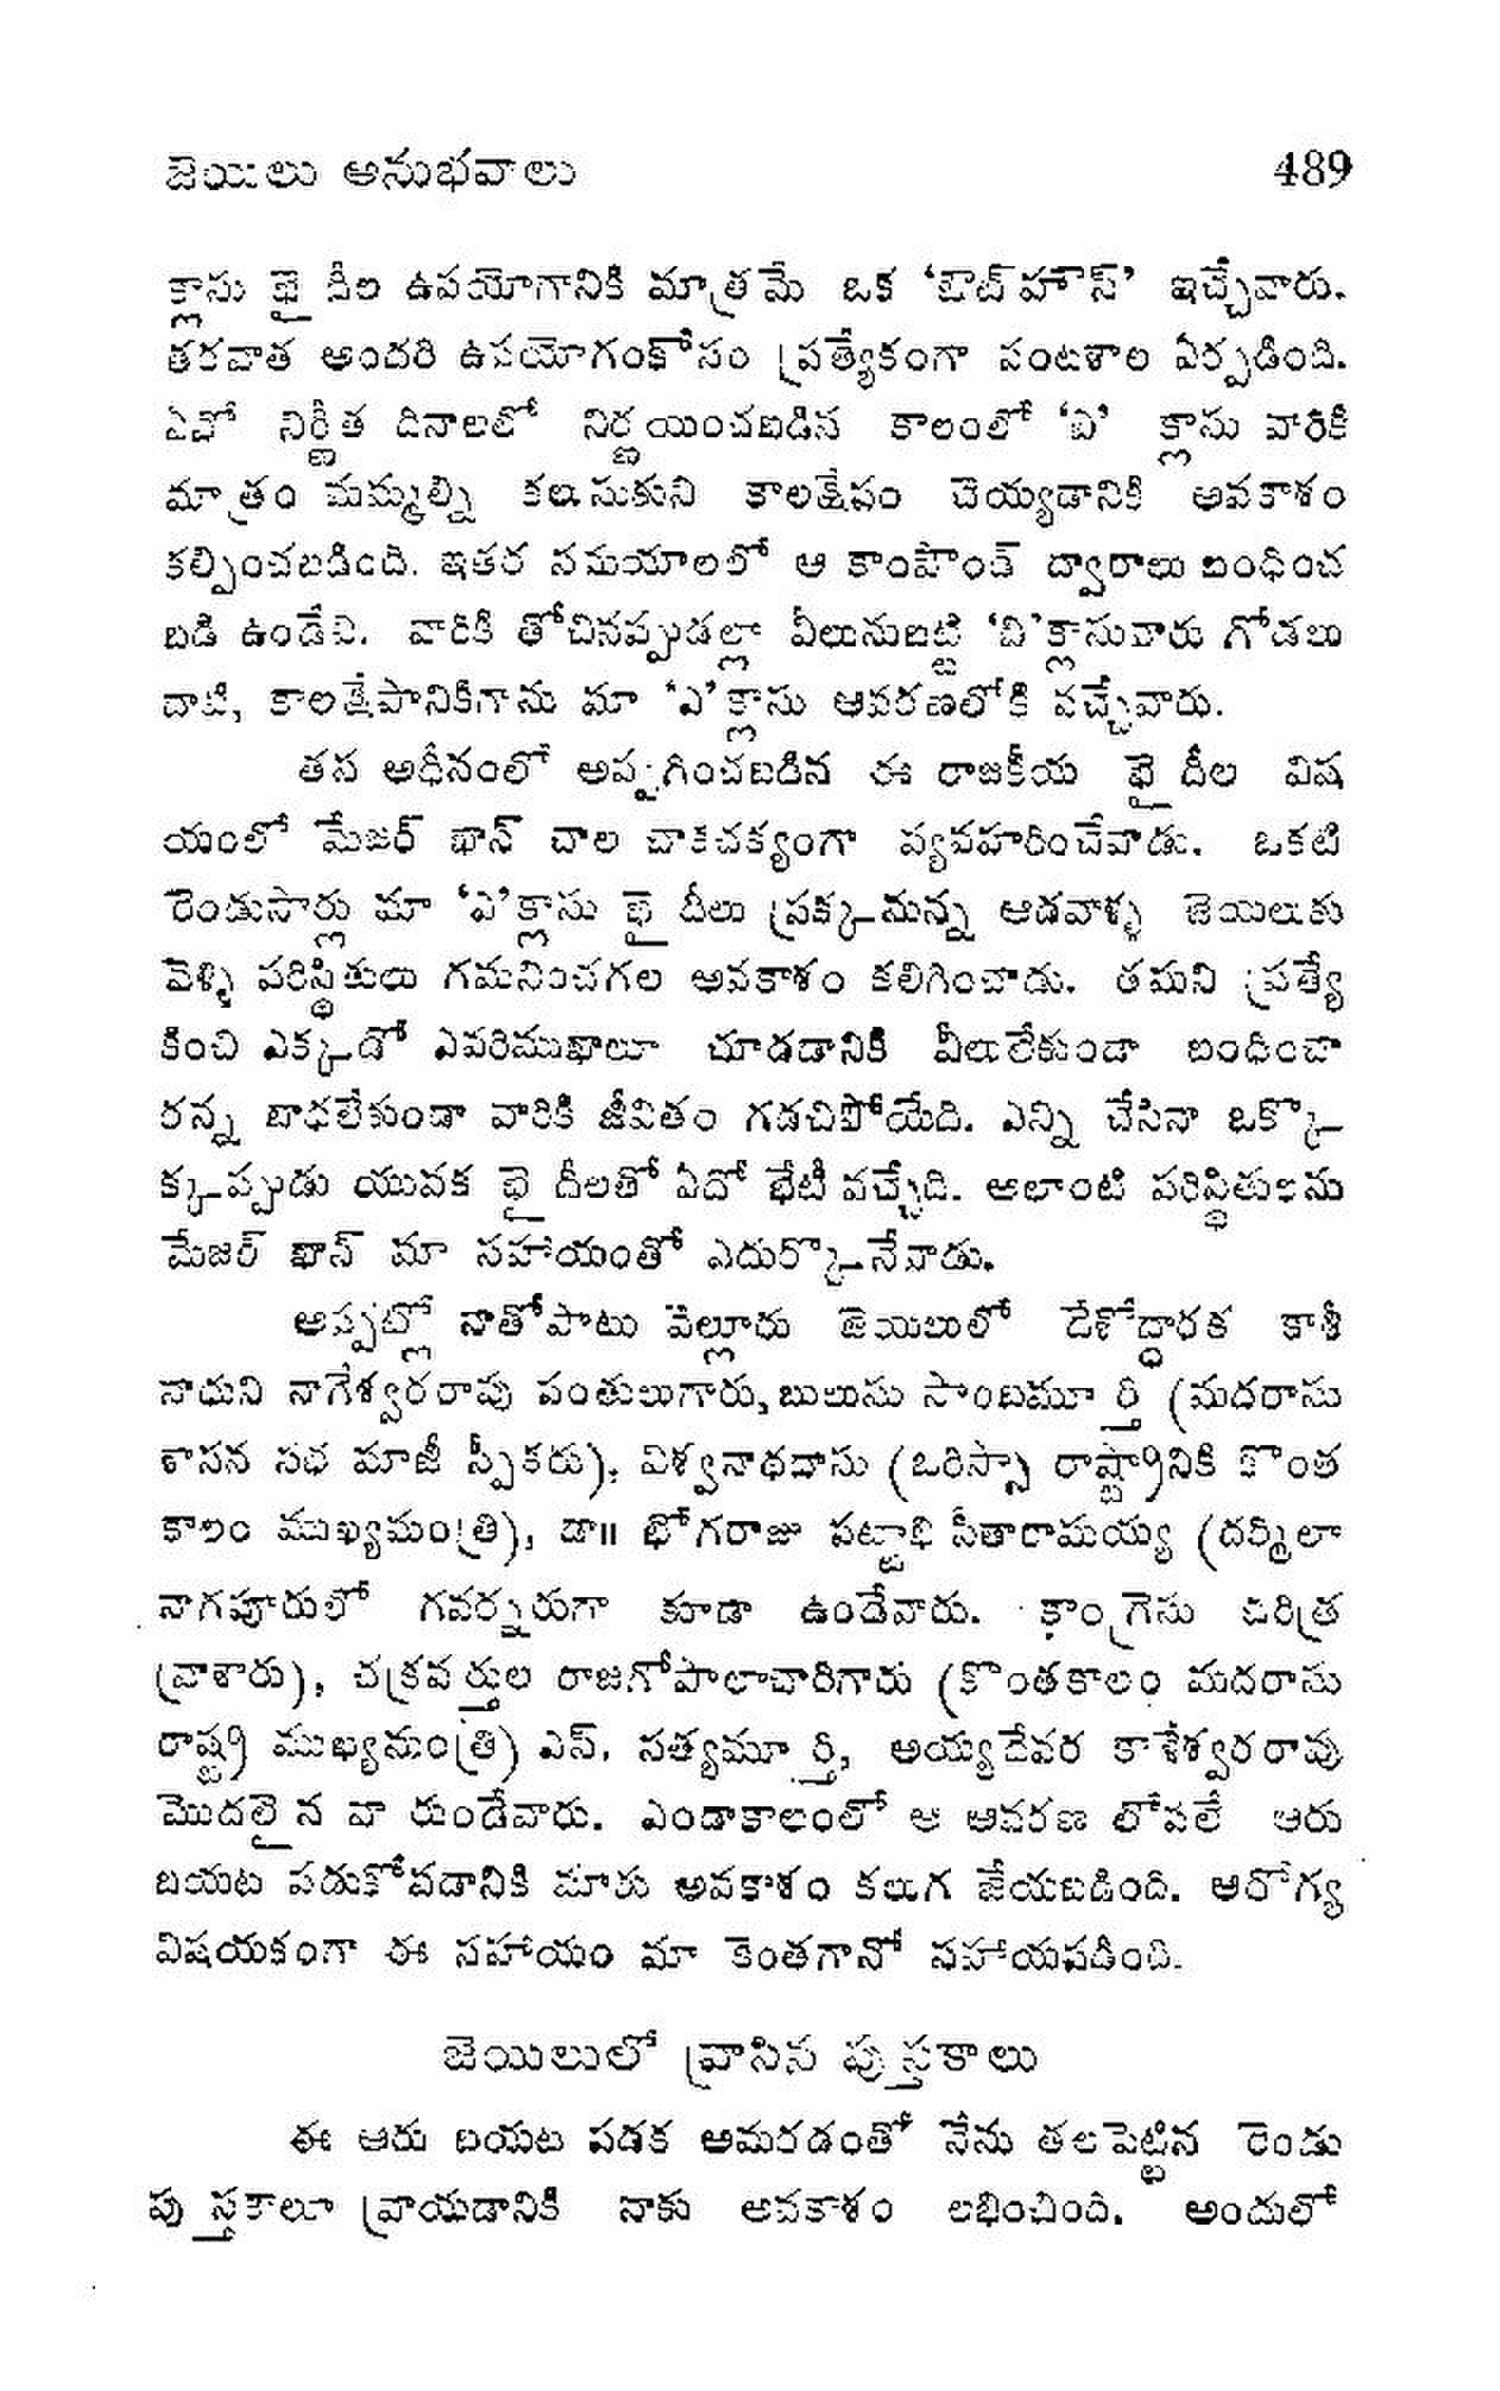క్లాసు ఖైదీల ఉపయోగానికి మాత్రమే ఒక 'ఔట్‌హౌస్‌' ఇచ్చేవారు. తరవాత అందరి ఉపయోగంకోసం ప్రత్యేకంగా వంటశాల ఏర్పడింది. ఏవో నిర్ణీత దినాలలో నిర్ణయించబడిన కాలంలో 'బి' క్లాసు వారికి మాత్రం మమ్మల్ని కలుసుకుని కాలక్షేపం చెయ్యడానికి అవకాశం కల్పించబడింది. ఇతర సమయాలలో ఆ కాంపౌండ్ ద్వారాలు బంధించబడి ఉండేవి. వారికి తోచినప్పుడల్లా వీలునుబట్టి 'బి' క్లాసువారు గోడలుదాటి, కాలక్షేపానికి గాను మా 'ఎ' క్లాసు ఆవరణలోకి వచ్చేవారు.

తన అధీనంలో అప్పగించబడిన రాజకీయ ఖైదీల విషయంలో మేజర్ ఖాన్ చాల చాకచక్యంగా వ్యవహరించేవాడు. ఒకటి రెండుసార్లు మా 'ఎ' క్లాసు ఖైదీలు ప్రక్కనున్న ఆడవాళ్ళ జెయిలుకు వెళ్ళి పరిస్థితులు గమనించగల అవకాశం కలిగించాడు. తమని ప్రత్యేకించి ఎక్కడో ఎవరిముఖాలూ చూడడానికి వీలులేకుండా బంధించారన్న బాధలేకుండా వారికి జీవితం గడచిపోయేది. ఎన్ని చేసినా ఒక్కొక్కప్పుడు యువక ఖైదీలతో ఏదో భేటీ వచ్చేది. అలాంటి పరిస్థితులను మేజర్ ఖాన్ మా సహాయంతో ఎదుర్కొనేవాడు.

అప్పట్లో నాతోపాటు వెల్లూరు జెయిలులో దేశోద్ధారక కాశీనాధుని నాగేశ్వరరావు పంతులుగారు, బులుసు సాంబమూర్తి (మదరాసు శాసన సభ మాజీ స్పీకరు), విశ్వనాథదాసు (ఒరిస్సా రాష్ట్రానికి కొంతకాలం ముఖ్యమంత్రి), డా॥ భోగరాజు పట్టాభి సీతారామయ్య (దర్మిలా నాగపూరులో గవర్నరుగా కూడా ఉండేవారు. కాంగ్రెసు చరిత్ర వ్రాశారు), చక్రవర్తుల రాజగోపాలాచారిగారు (కొంతకాలం మదరాసు రాష్ట్ర ముఖ్యమంత్రి) ఎస్. సత్యమూర్తి, అయ్యదేవర కాళేశ్వరరావు మొదలైన వా రుండేవారు. ఎండకాలంలో ఆ ఆవరణ లోపలే ఆరు బయట పడుకోవడానికి మాకు అవకాశం కలుగ జేయబడింది. ఆరోగ్య విషయకంగా ఈ సహాయం మా కెంతగానో సహాయపడింది.

ఈ ఆరు బయట పడక అమరడంతో నేను తలపెట్టిన రెండు పుస్తకాలూ వ్రాయడానికి నాకు అవకాశం లభించింది. అందులో